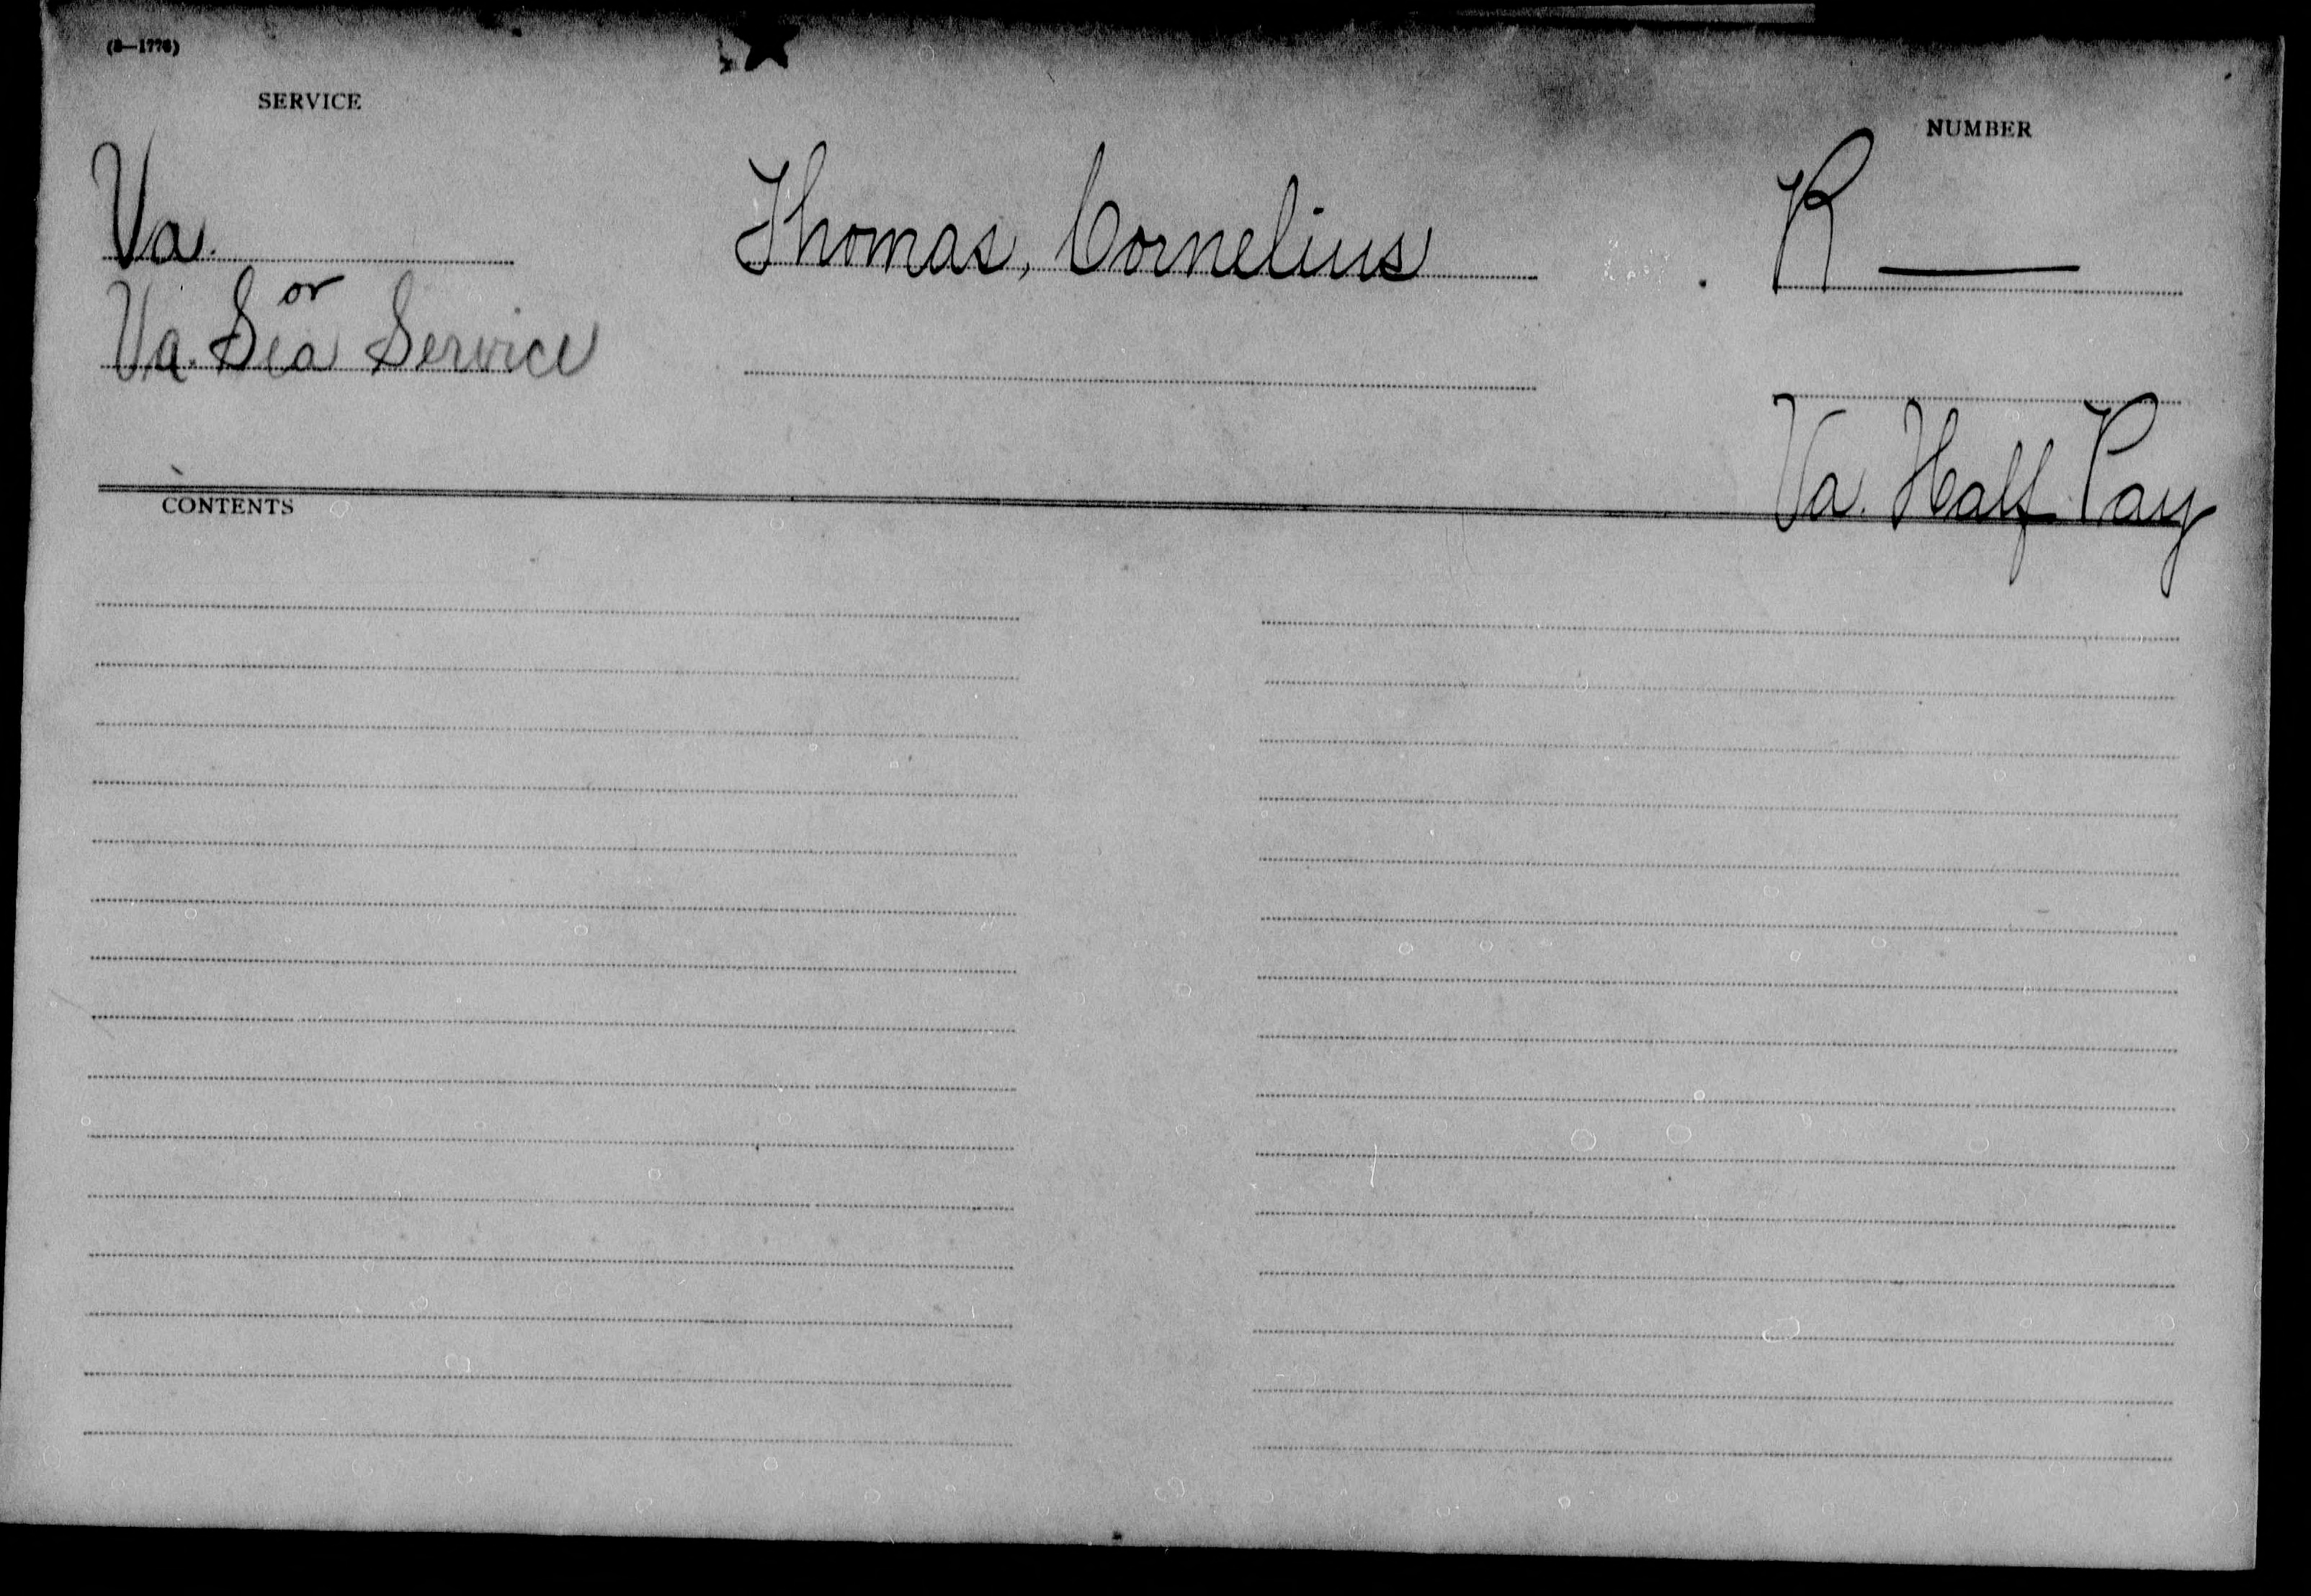(8-1776)
SERVICE | | NUMBER
Va. | Thomas, Cornelius | R -----
Va. Sea or ['or' written above 'Sea'] Service
Va. Half Pay
[double underline]
CONTENTS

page: 1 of 6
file: R, for Cornelius Thomas, Virginia